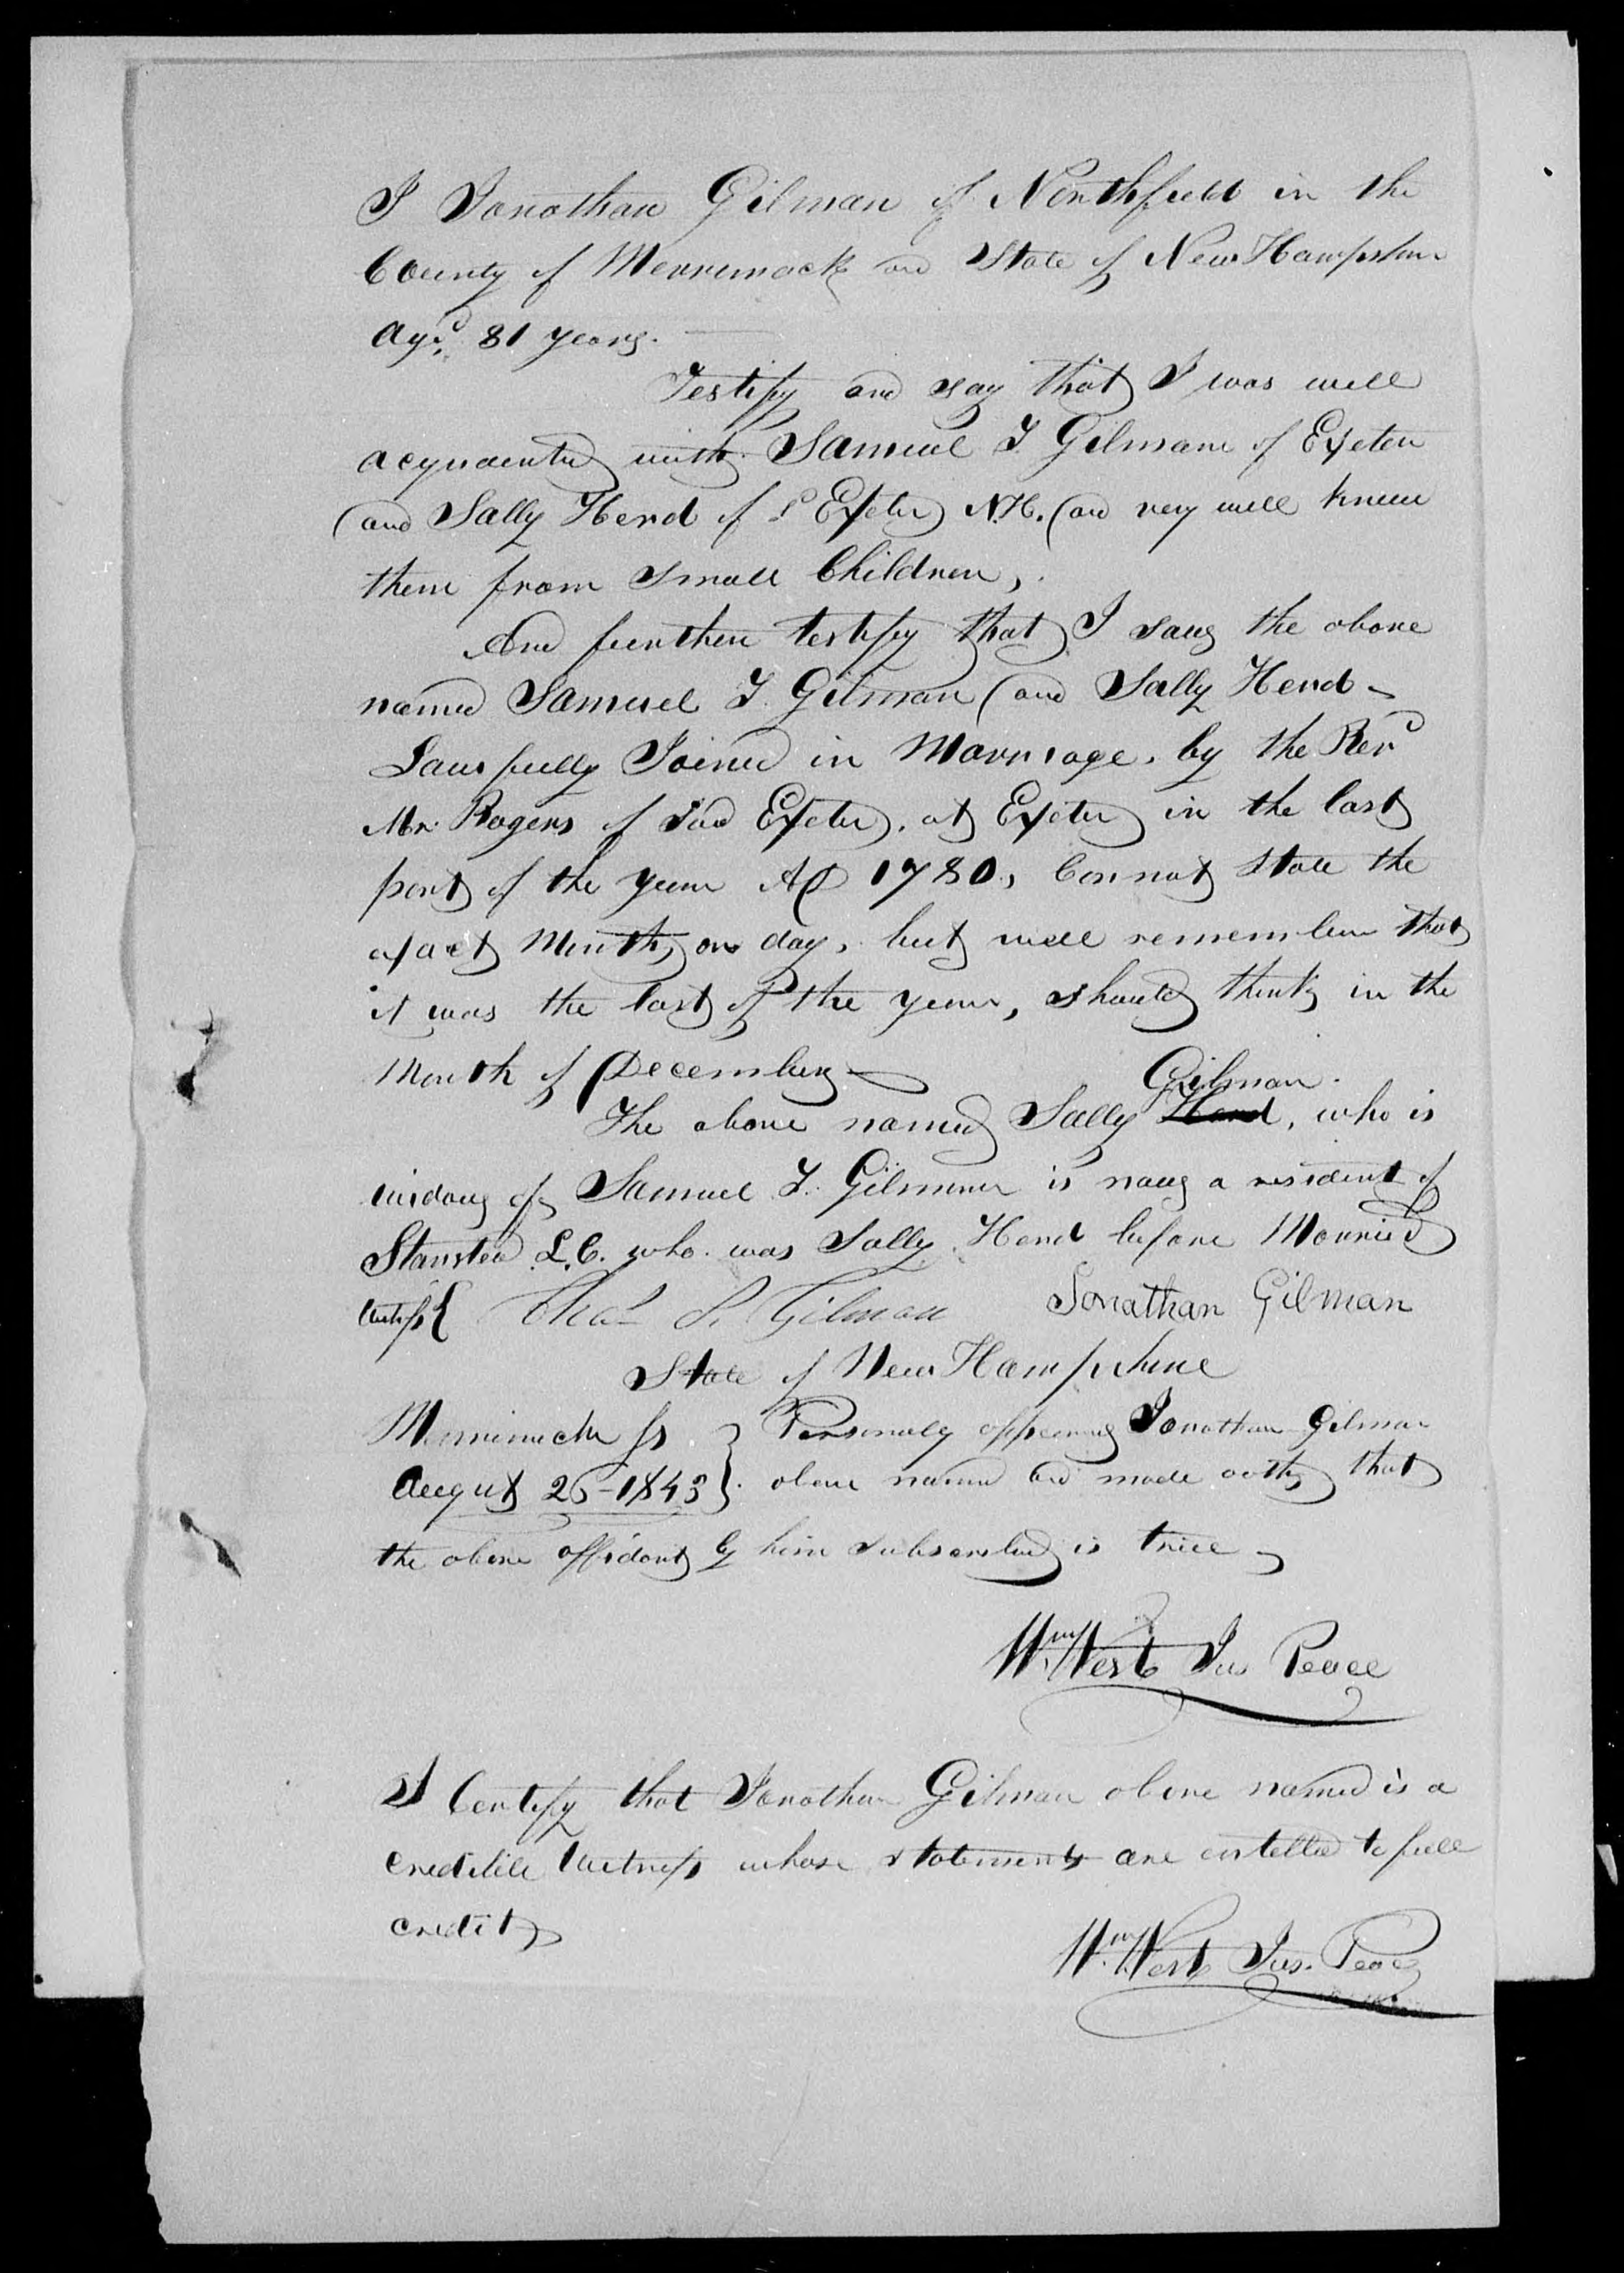I Jonathan Gilman of Northfield in the County of Merrimack and State of New Hampshire aged 81 years
Testify and say that I was well acquainted with Samuel T. Gilman of Exeter and Sally Herd of sd Exeter N.H. and very well knew them from small Children,
And further testify that I saw the above named Samuel T. Gilman and Sally Herd Lawfully Joined in Marriage by the Revd. Mr. Rogers of said Exeter, at Exeter in the last part of the year AD 1780, cannot state the exact Month or day but well remember that it was the last of the year, should think in the month of December
The above named Sally Gilman who is widow of Samuel T. Gilman is now a resident of Stanstead L.C. who was Sally Herd before married
[illeg] { Chas P. Gilman.  Jonathan Gilman
State of New Hampshire
Merrimack ss
August 26 1843 } 
Personally appearing Jonathan Gilman above named and made oath, that the above affidavit by him subscribed is true,
Wm West Jus Peace
I certify that Jonathan Gilman above named is a credible witness whose statements are entitled to full credit.
Wm West Jus Peace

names: Samuel T Gilman, Chas P Gilman, Samuel T Gilman, Jonathan Gilman, Jonathan Gilman, Sally Gilman, Wm West, Jonathan Gilman, Sally Herd, Rogers, Samuel T Gilman, Jonathan Gilman, Wm West, Sally Herd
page: 38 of 61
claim: widow's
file: W. 19500, Samuel Thing Gilman, Continental N.H.